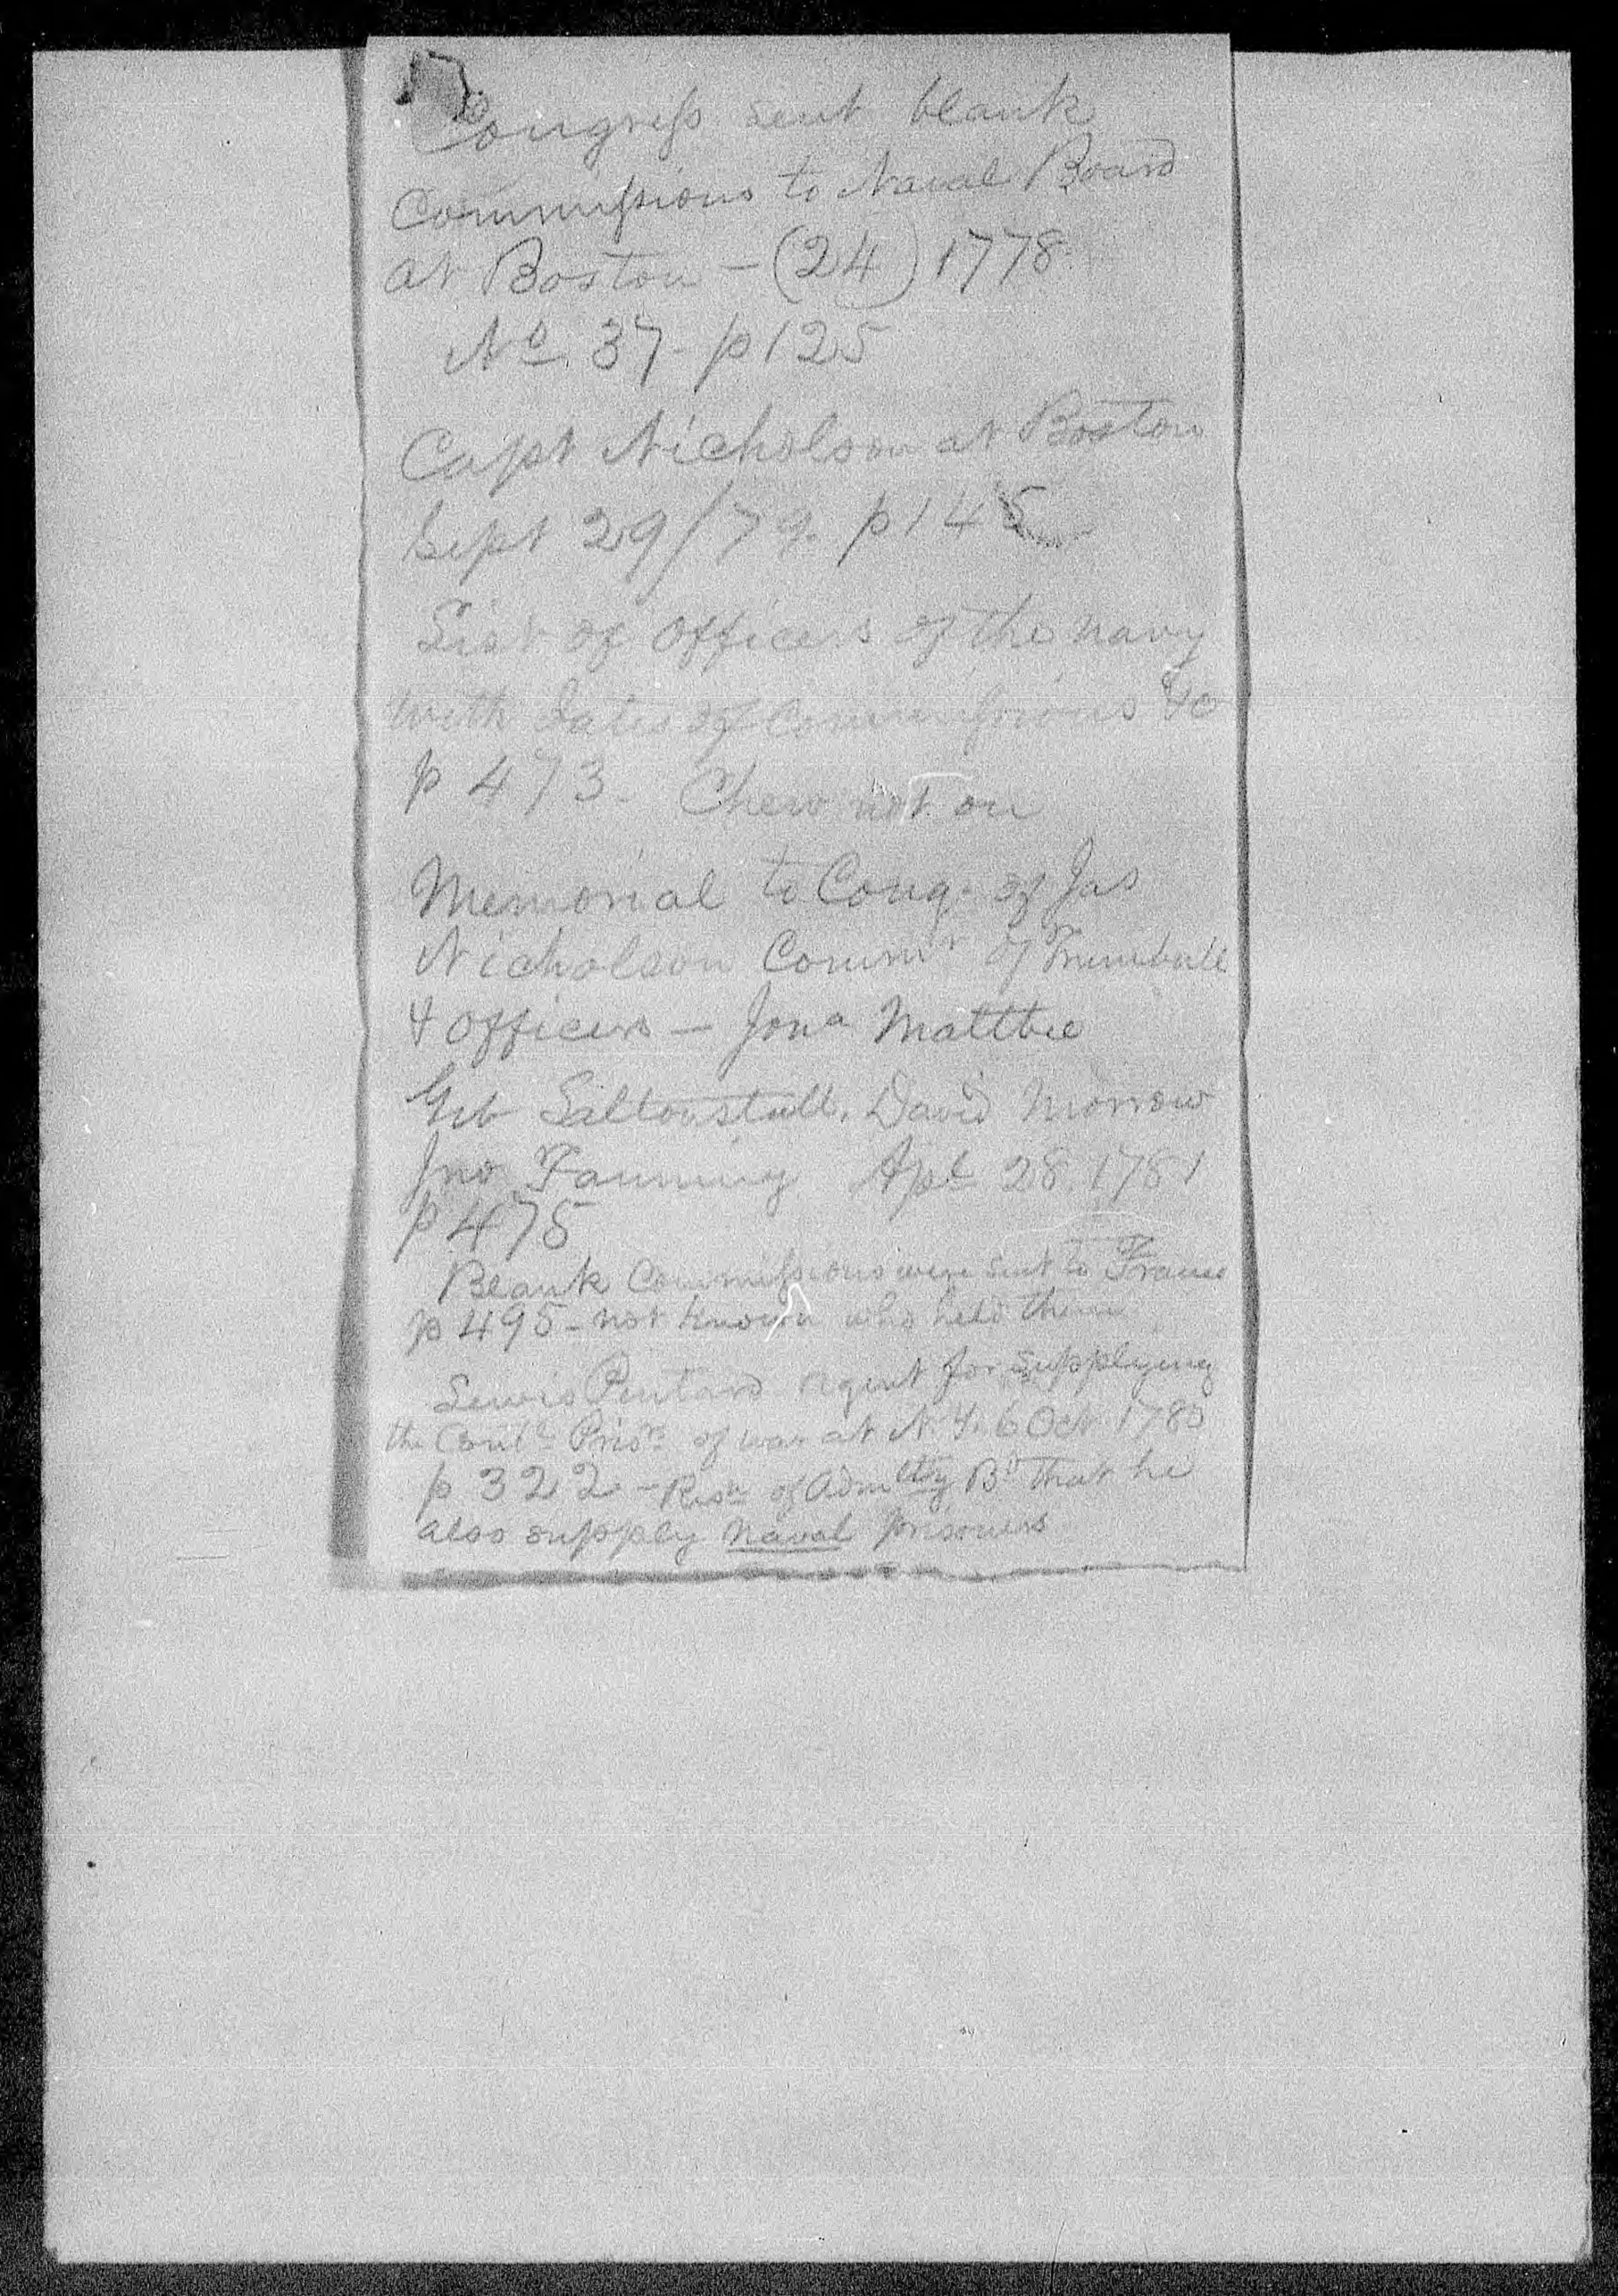Congress sent blank
commissions to Naval Board
at Boston -(24) 1778
No. 37-p 125

Capt. Nicholson at Boston
Sept 29/79. p 145

List of officers of the navy
with dates of commissions &
p 473-Chew not on

Memorial to Cong. of Jas
Nicholson Commr of Trumbull
& officers - Jona Maltbie
Jeb Saltonstull, David Morrow
Jno Fanning Apl 28 1781
p 475

Blank Commissions were sent to [illegible]
p 495-not known who held them

Lewis Pintard agent for supplying 
the Contl. Prisors.  of war at N.Y. 6 Oct 1780
p 322-[illegible] of Admlty Bd that he
also supply [begin underline] Naval [end underline] prisoners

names: Lewis Pintard, David Morrow, Nicholson, Jona Maltbie, Chew, Jas Nicholson, Jno Fanning, Trumbull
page: 27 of 59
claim: widow's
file: W. 9383, Nathaniel Chew, Navy (Md.)